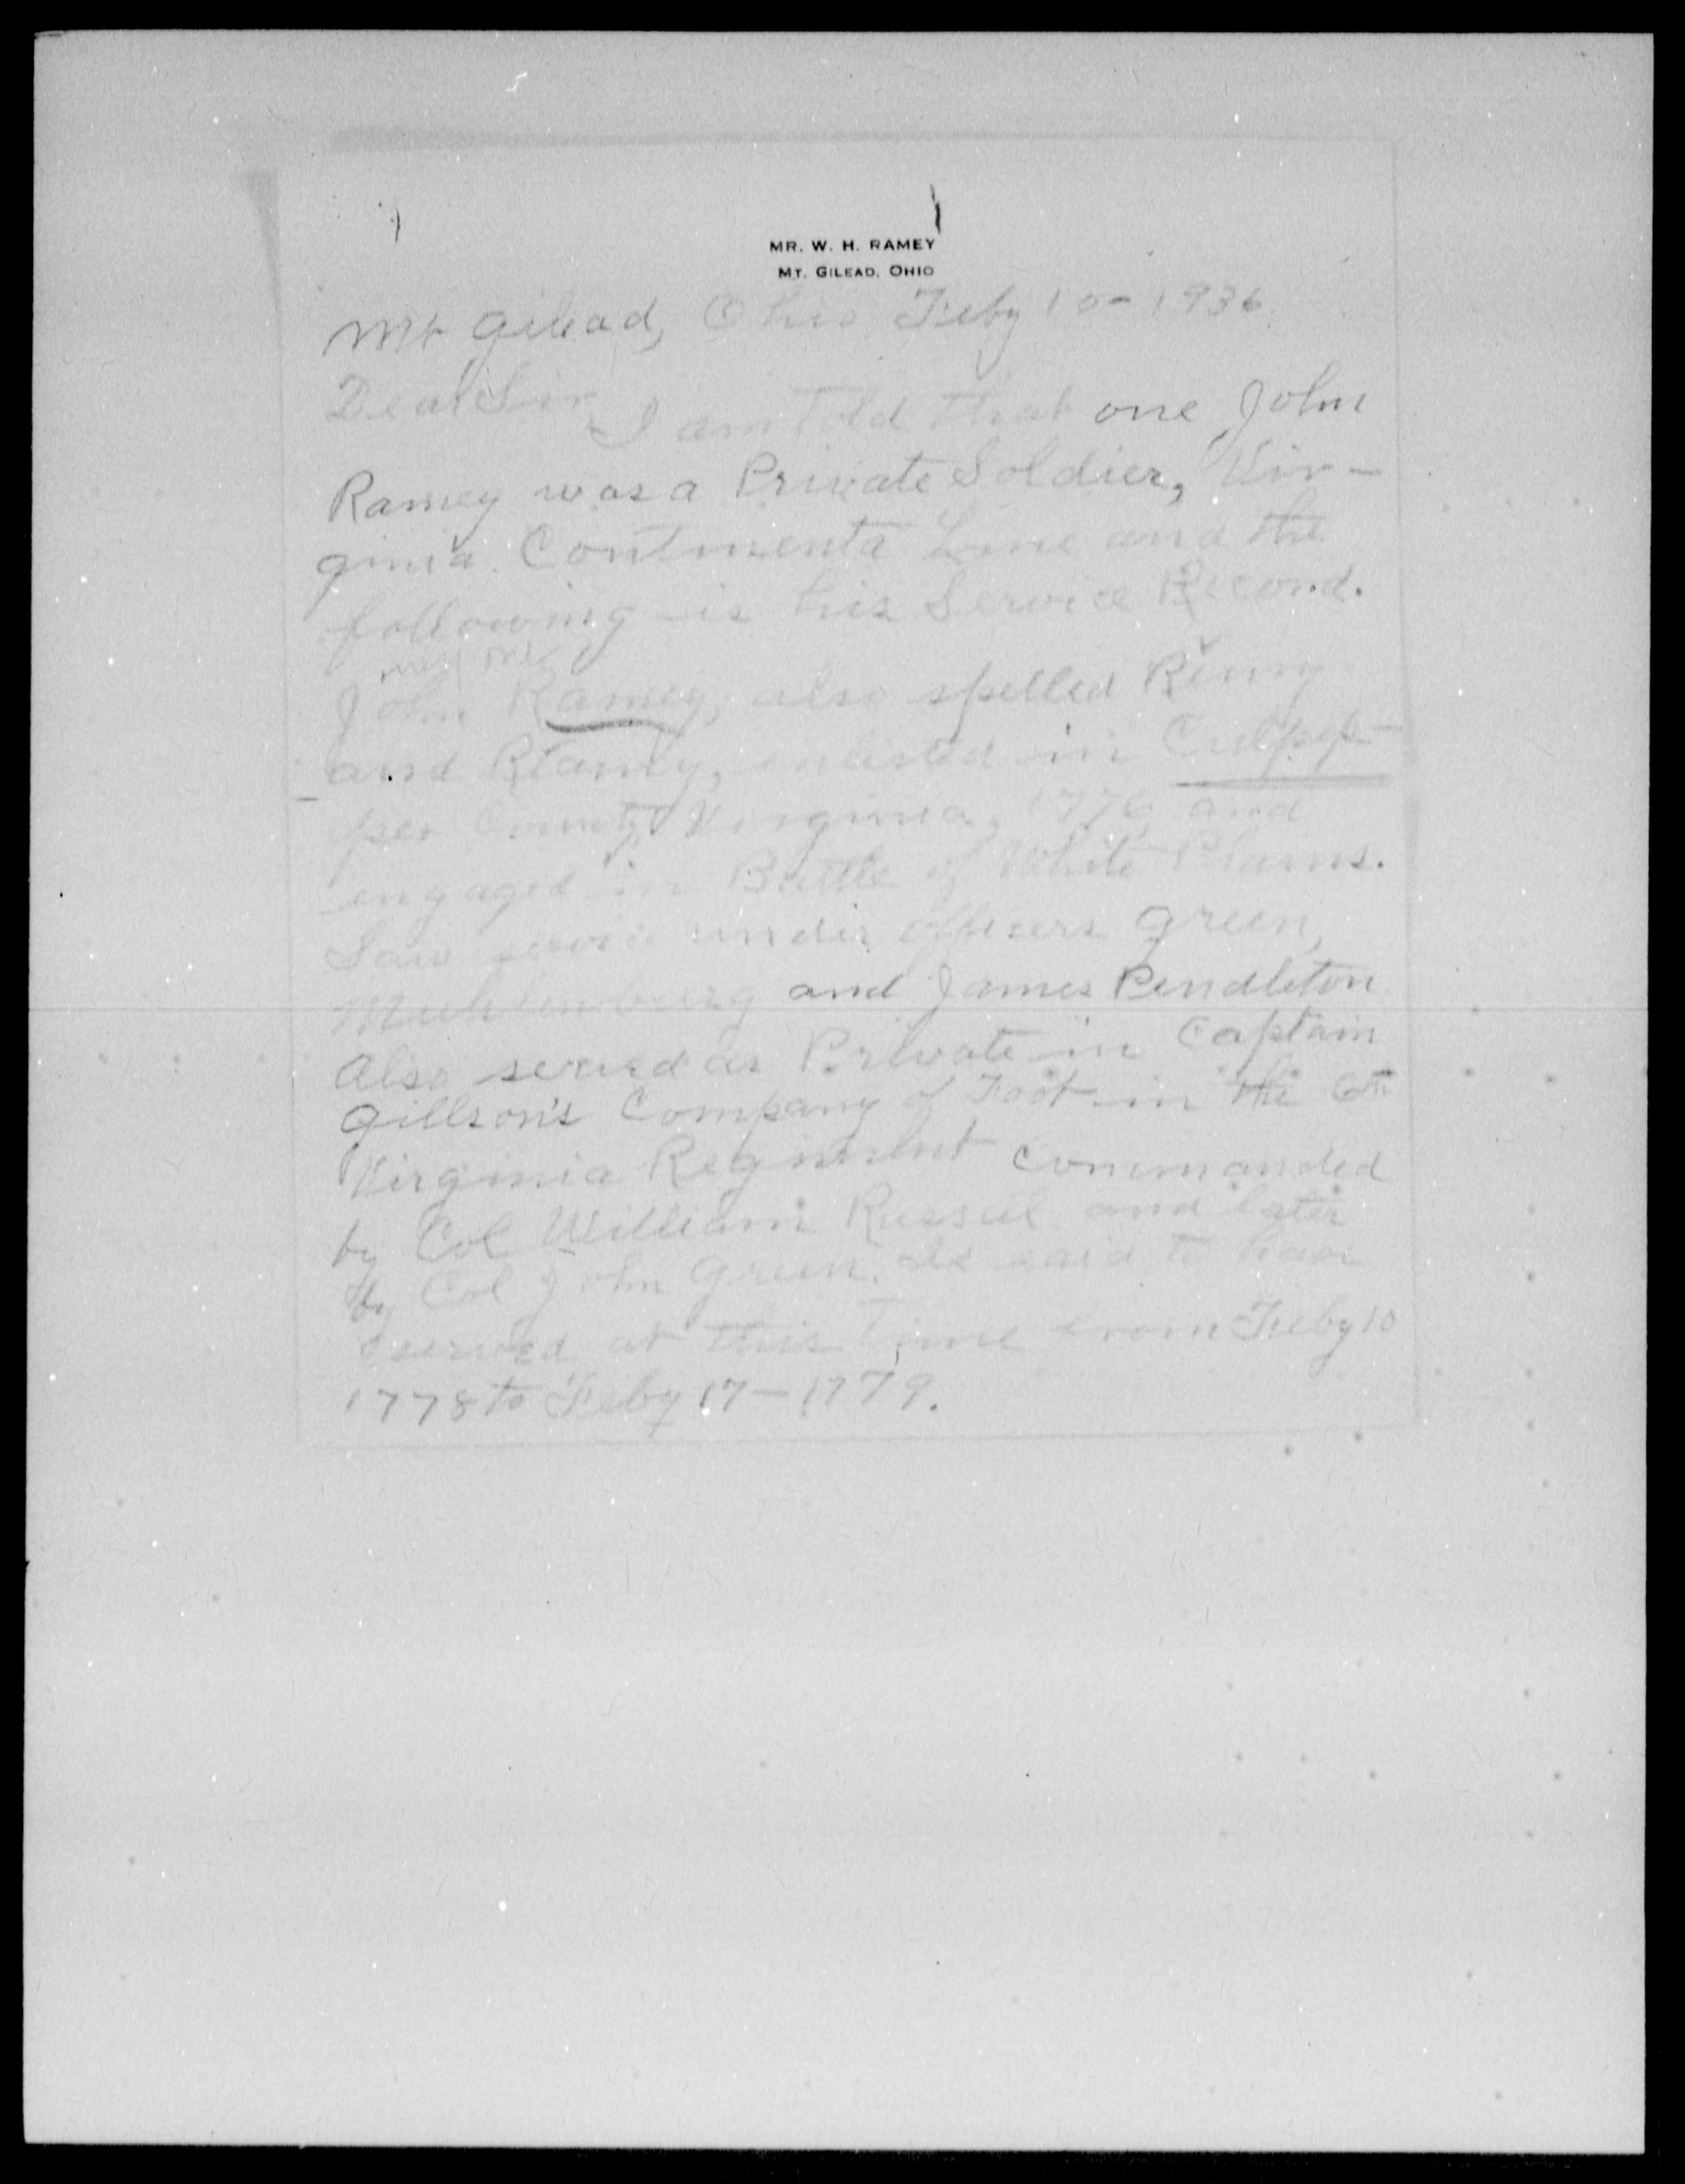MR. W. H. RAMEY
MT. GILEAD, OHIO
Mt. Gilead, Ohio Feby 10 - 1936
Dear Sir
I am told that one John Ramey was a Private Soldier, Virginia Continental Line and the following is his Service Record.
John Ramey (only one), also spelled Remy and Ramey, inlisted in Culpeper County, Virginia, 1776 and engaged in Battle of White Plains.
Saw service under officers Green, Muhlenberg and James Pendleton 
Also served as Private in Captain Gillison's Company of Foot in the 6th Virginia Regiment commanded by Col William Russell and later by Col John Green, Is said to have served at this time from Feby 10 1778 to Feby 17 - 1779.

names: John Ramey; James Pendleton; William Russell; John Green; W H Ramey; John Ramey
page: 51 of 84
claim: widow's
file: W.11104, for John Remay, Virginia